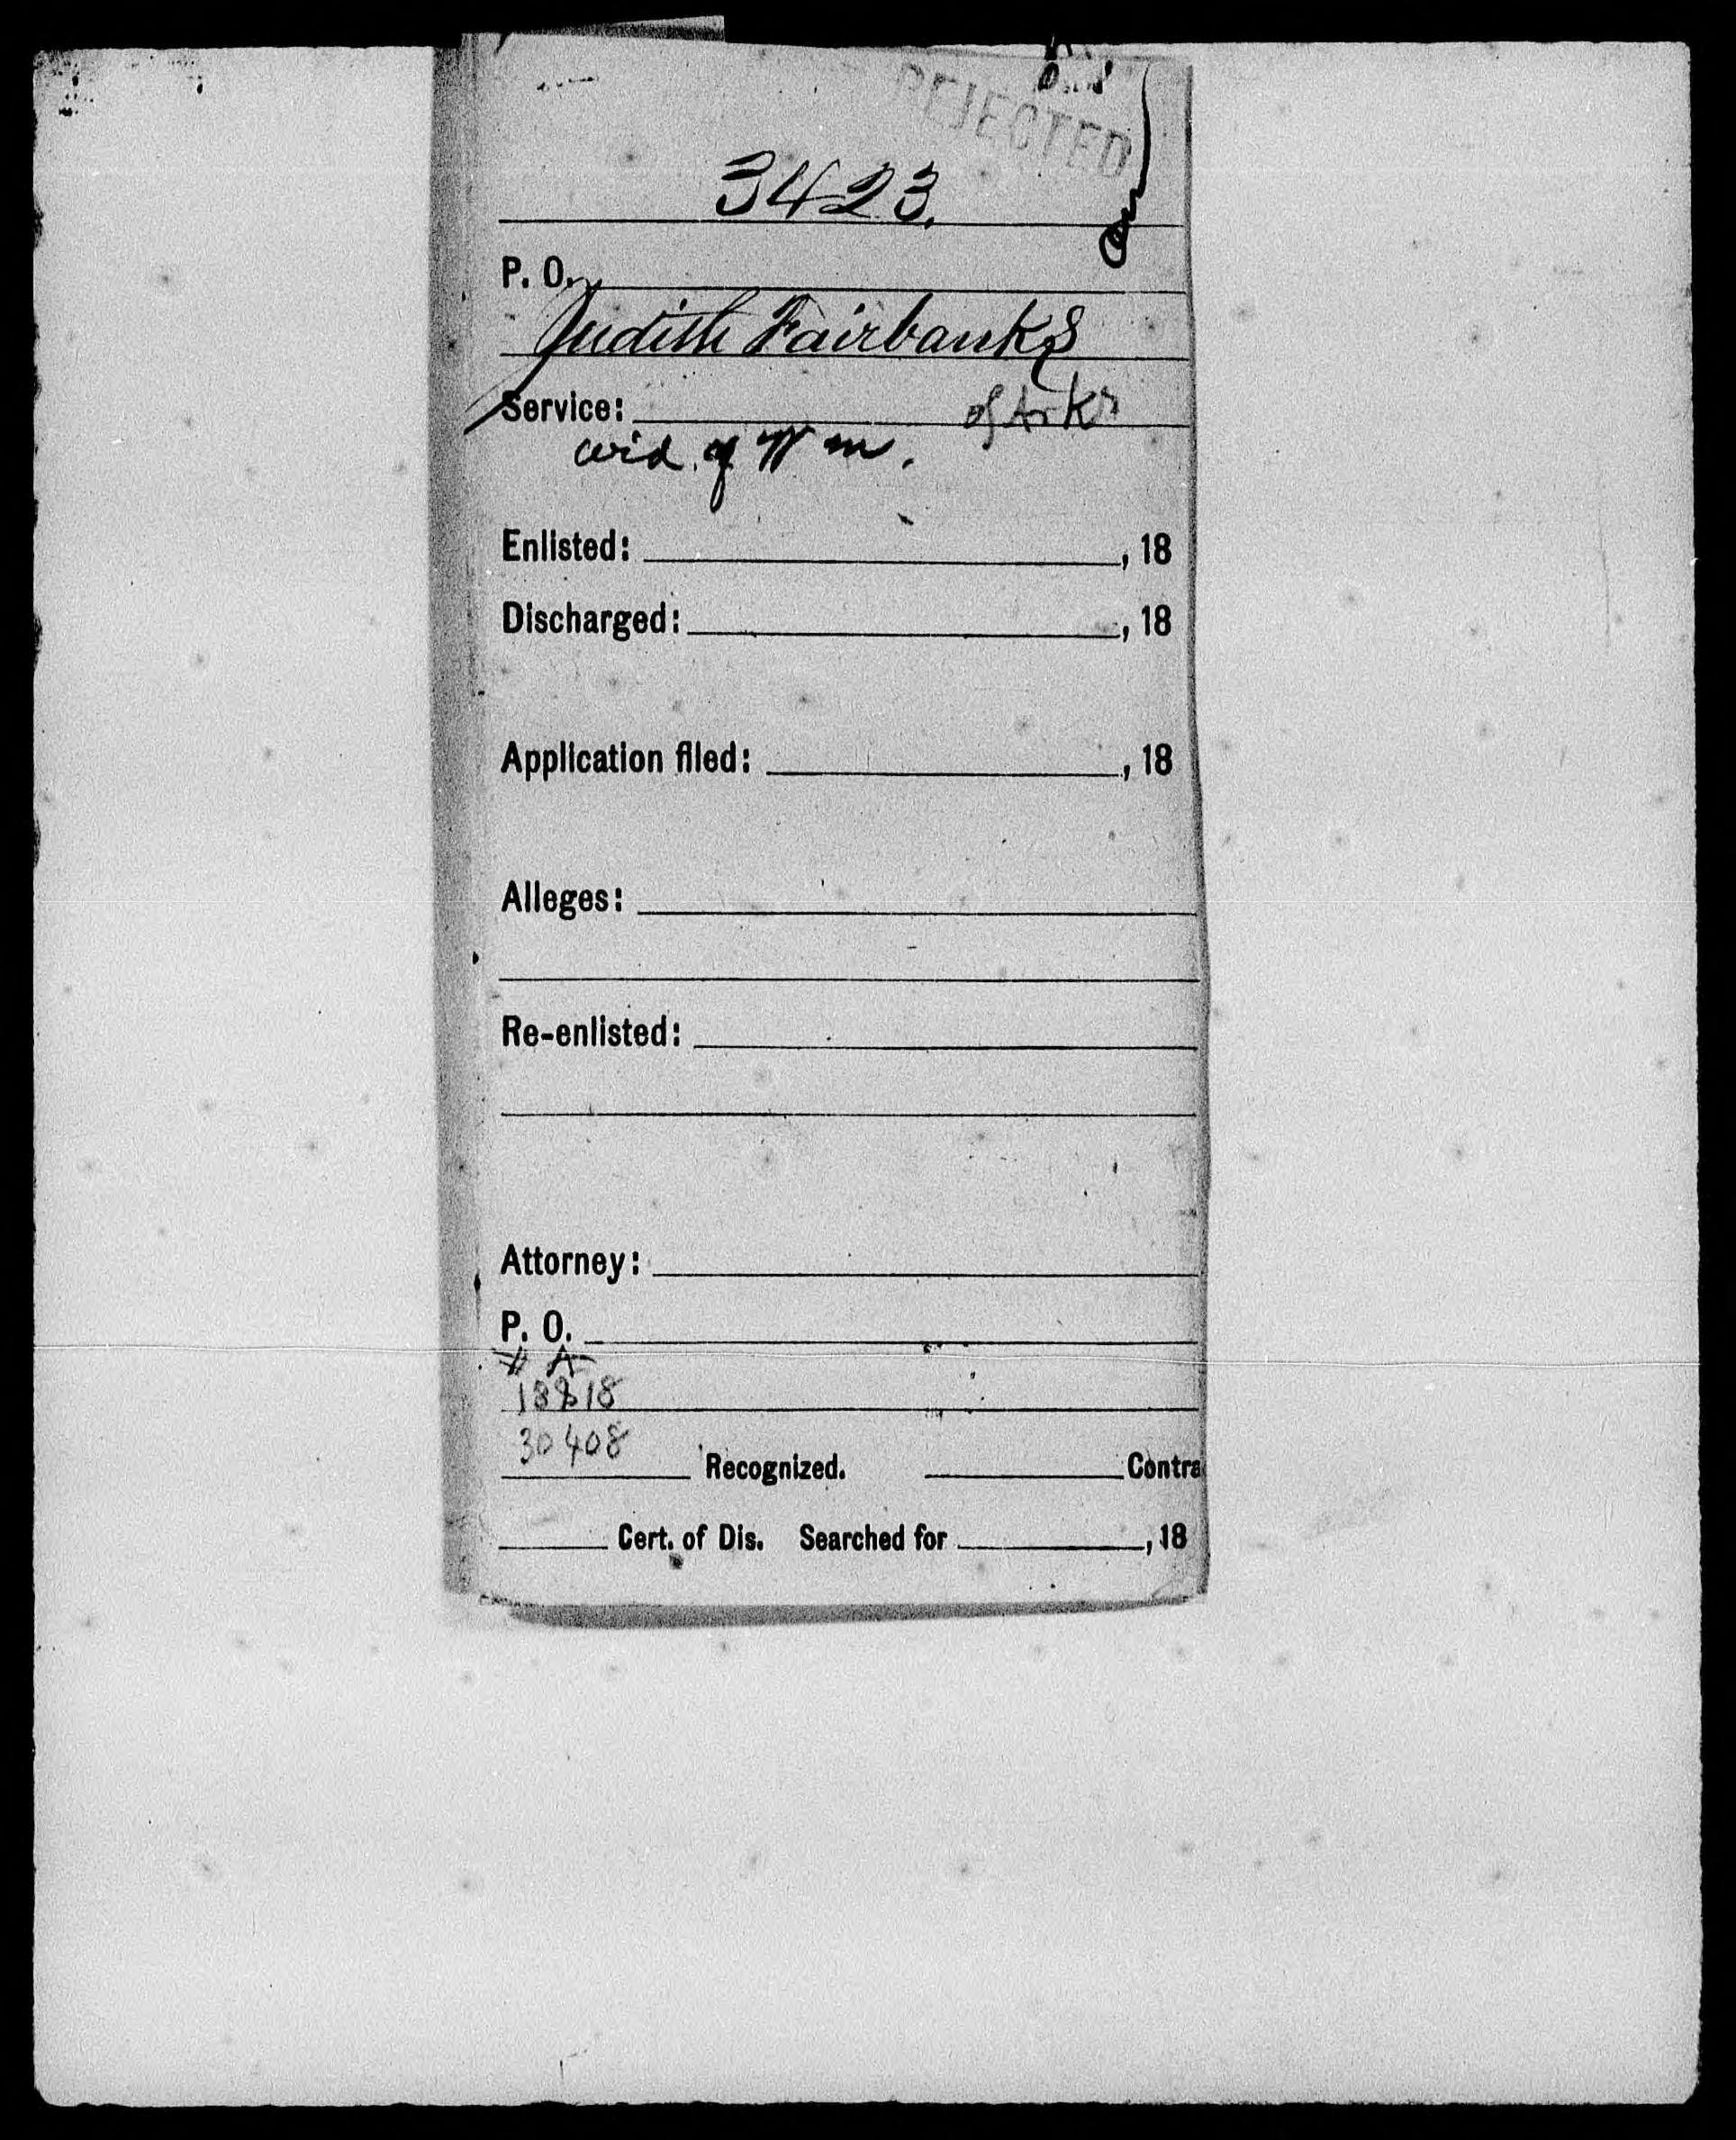REJECTED
3423
P.O. Judith Fairbanks of Arks
Service: wid. of Wm.
Enlisted: [blank], 18
Discharged: [blank], 18
Application filed: [blank], 18
Alleges: [blank]
Re-enlisted: [blank]
Attorney: [blank]
P.O. #A 18818 30408 Recognized. Contra
Cert. of Dis. Searched for , 18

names: Judith Fairbanks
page: 12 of 17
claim: rejected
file: R. 3423, William Fairbanks, R.I.